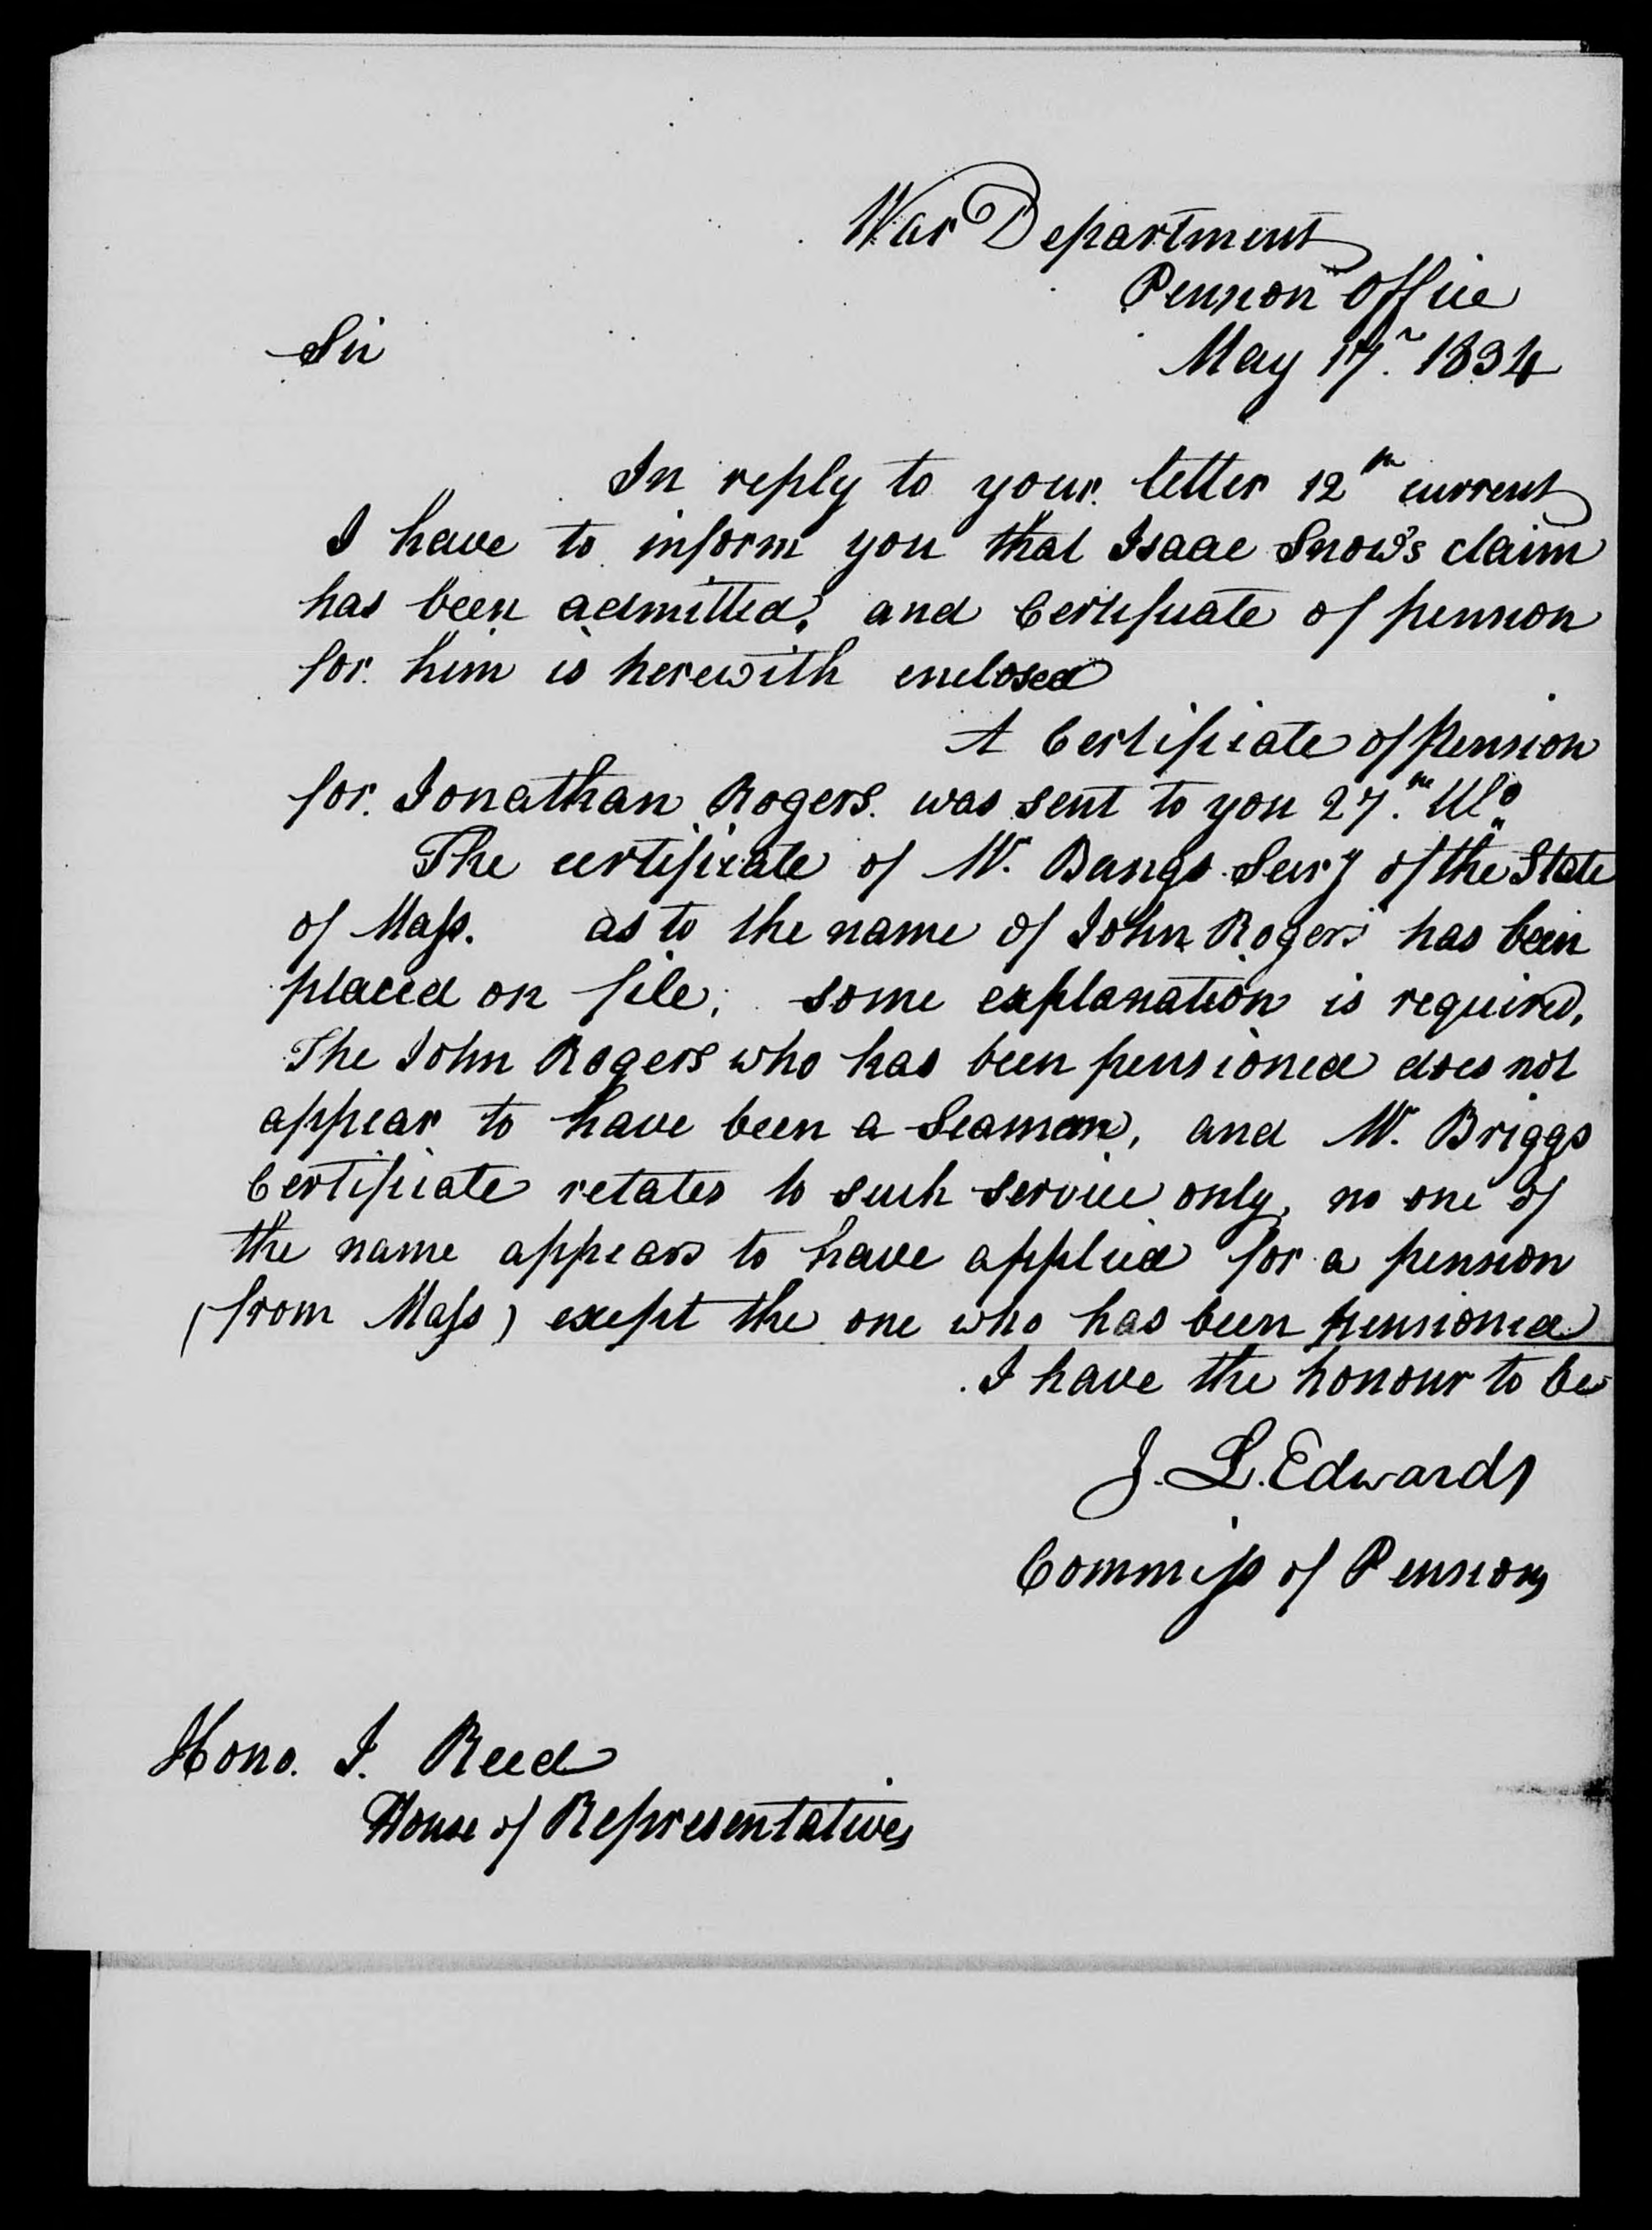War Department Pension Office May 19th 1834

Sir
I have In reply to your letter 12th current to inform you that Isaac Snows claim has been admitted, and certificate of pension for him is herewith enclosed 

A Certificate of Pension for Jonathan Rogers was sent to you 27th 

The certificate of M. Bangs Secy of the State of Mass. as to the name of John Rogers has been placed on file, some explanation is required, The John Rogers who has been pensioned does not appear to have been a Seaman, and M. Briggs certificate relates to such service only no one of name appears to have applied for a pension (from Mass) exept the one who has been pensioned 

I have the honour to be J. L. Edwards
Commiss of Pensions 

Hon. I. Reed House of Representatives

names: J Reed, John Rogers, Briggs, Bangs, Jonathan Rogers, J L Edwards, Isaac Snow, John Rogers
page: 28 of 43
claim: survivor's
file: S. 29,732, John Collins, Mass. Navy